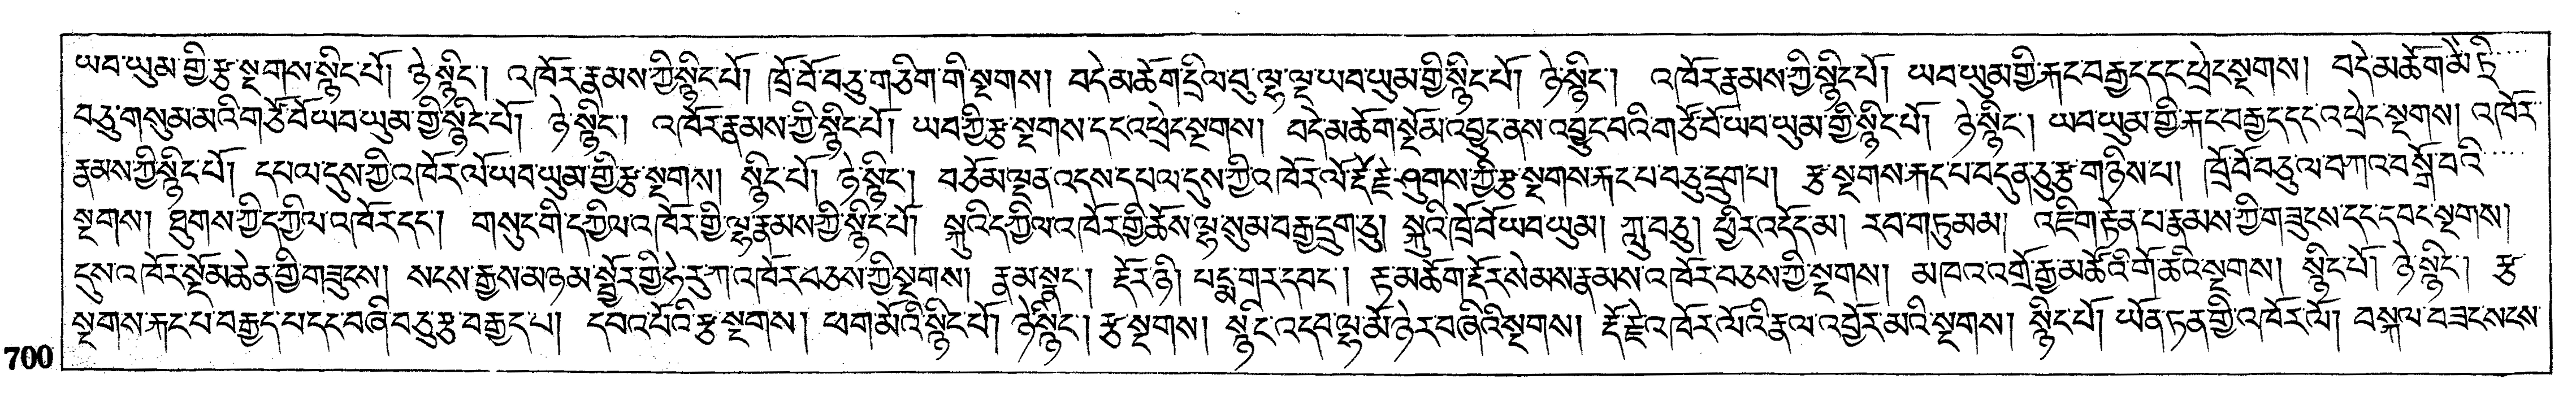ཡབ་ཡུམ་གྱི་རྩ་སྔགས་སྙིང་པོ། ཉེ་སྙིང་། འཁོར་རྣམས་ཀྱི་སྙིང་པོ། ཁྲོ་བོ་བཅུ་གཅིག་གི་སྔགས། བདེ་མཆོག་དྲིལ་བུ་ལྷ་ལྔ་ཡབ་ཡུམ་གྱི་སྙིང་པོ། ཉེ་སྙིང་། འཁོར་རྣམས་ཀྱི་སྙིང་པོ། ཡབ་ཡུམ་གྱི་རྐང་བརྒྱད་དང་ཕྲེང་སྔགས། བདེ་མཆོག་མཻ་ཏྲི་
བཅུ་གསུམ་མའི་གཙོ་བོ་ཡབ་ཡུམ་གྱི་སྙིང་པོ། ཉེ་སྙིང་། འཁོར་རྣམས་ཀྱི་སྙིང་པོ། ཡབ་ཀྱི་རྩ་སྔགས་དང་འཕྲེང་སྔགས། བདེ་མཆོག་སྡོམ་འབྱུང་ནས་འབྱུང་བའི་གཙོ་བོ་ཡབ་ཡུམ་གྱི་སྙིང་པོ། ཉེ་སྙིང་། ཡབ་ཡུམ་གྱི་རྐང་བརྒྱད་དང་འཕྲེང་སྔགས། འཁོང་
རྣམས་ཀྱི་སྙིང་པོ། དཔལ་དུས་ཀྱི་འཁོར་ལོ་ཡབ་ཡུམ་གྱི་རྩ་སྔགས། སྙིང་པོ། ཉེ་སྙིང་། བཅོམ་ལྡན་འདས་དཔལ་དུས་ཀྱི་འཁོར་ལོ་རྡོ་རྗེ་ཤུགས་ཀྱི་རྩ་སྔགས་རྐང་པ་བཅུ་དྲུག་པ། རྩ་སྔགས་རྐང་པ་བདུན་ཅུ་རྩ་གཉིས་པ། ཁྲོ་བོ་བཅུ་ལ་བཀའ་བསྒོ་པའི་
སྔགས། ཐུགས་ཀྱི་དཀྱིལ་འཁོར་དང་། གསུང་གི་དཀྱིལ་འཁོར་གྱི་ལྷ་རྣམས་ཀྱི་སྙིང་པོ། སྐུའི་དཀྱིལ་འཁོར་གྱི་ཚེས་ལྷ་སུམ་བརྒྱ་དྲུག་ཅུ། སྐུའི་ཁྲོ་བོ་ཡབ་ཡུམ། ཀླུ་བཅུ། ཕྱིར་འདོད་མ། རབ་གཏུམ་མ། འཇིག་རྟེན་པ་རྣམས་ཀྱི་གཟུངས་དང་དབང་སྔགས།
དུས་འཁོར་སྡོམ་ཆེན་གྱི་གཟུངས། སངས་རྒྱས་མཉམ་སྦྱོར་གྱི་ཧེ་རུ་ཀ་འཁོར་བཅས་ཀྱི་སྔགས། རྣམ་སྣང་། རྡོར་ཉི། པདམ་གར་དབང་། རྟ་མཆོག་རྡོར་སེམས་རྣམས་འཁོར་བཅས་ཀྱི་སྔགས། མཁའ་འགྲོ་རྒྱ་མཚོའི་གོ་ཆའི་སྔགས། སྙིང་པོ། ཉེ་སྙིང་། རྩ་
སྔགས་རྐང་པ་བརྒྱད་པ་དང་བཞི་བཅུ་རྩ་བརྒྱད་པ། དཔའ་བོའི་རྩ་སྔགས། ཕག་མོའི་སྙིང་པོ། ཉེ་སྙིང་། རྩ་སྔགས། སྙིང་འདབ་ལྷ་མོ་ཉེར་བཞིའི་སྔགས། རྡོ་རྗེ་འཁོར་ལོའི་རྣལ་འབྱོར་མའི་སྔགས། སྙིང་པོ། ཡོན་ཏན་གྱི་འཁོར་ལོ། བསྐལ་བཟང་སངས་